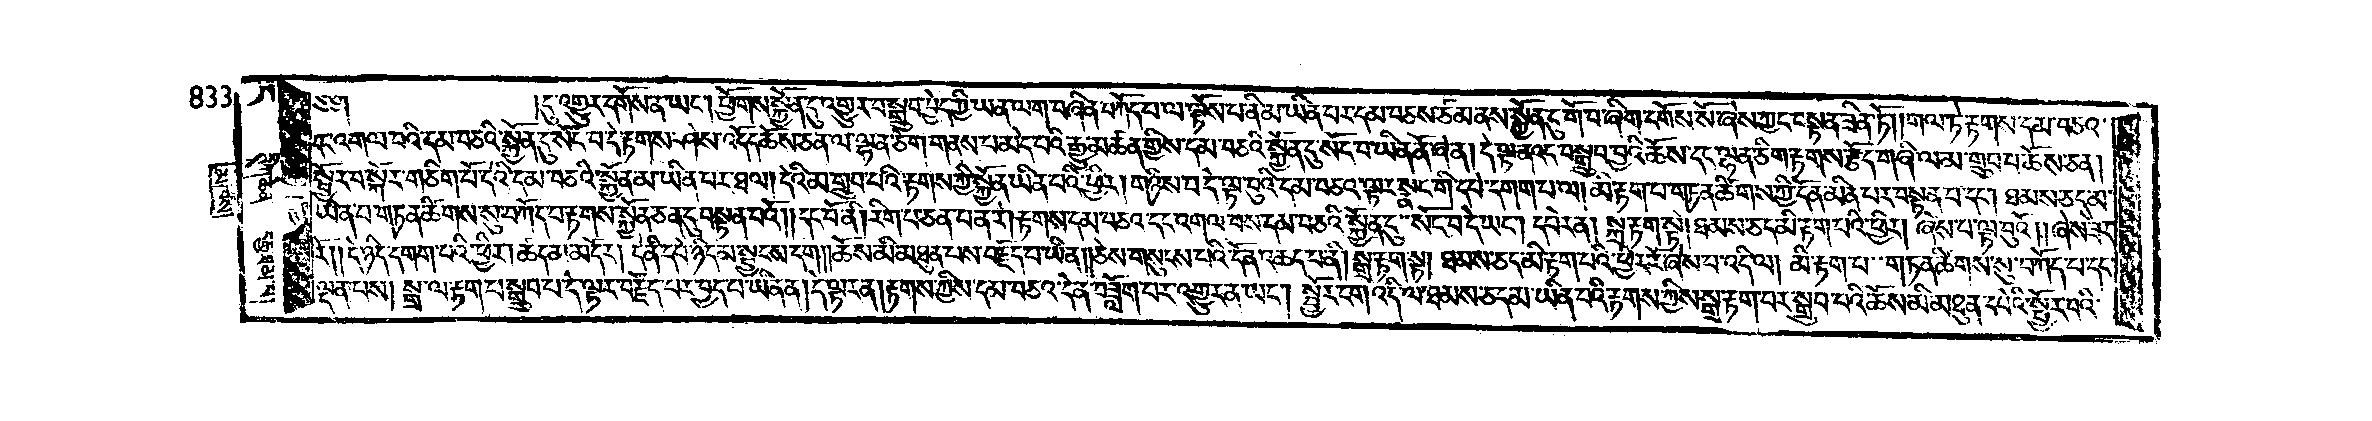༄༅། །དུ་འགྱུར་དགོས་ན་ཡང་། ཕྱོགས་སྐྱོན་དུ་འགྱུར་བ་སྒྲུབ་བྱེད་ཀྱི་ཡན་ལག་བཞིན་བཀོད་པ་ལ་ལྟོས་པ་ནི་མ་ཡིན་པར་དམ་བཅས་ཙམ་ནས་སྐྱོན་དུ་གོ་བ་ཞིག་དགོས་སོ་ཞེས་ཀྱང་བསྟན་ཟིན་ཏོ། །གལ་ཏེ་རྟགས་དམ་བཅའ་
དང་འགལ་བའི་དམ་བཅའ་སྐྱོན་དུ་སོང་བ་དེ་རྟོགས་ཤེས་འདོད་ཆོས་ཅན་ལ་ལྷན་ཅིག་གནས་པ་མེད་པའི་རྒྱུ་མཚན་གྱིས་དམ་བཅའི་སྐྱོན་དུ་སོང་བ་ཡིན་ནོ་ཞེ་ན། དེ་ལྟ་ནའང་བསྒྲུབ་བྱའི་ཆོས་དང་ལྷན་ཅིག་རྟགས་རྩོད་གཞི་ལ་མ་གྲུབ་པ་ཆོས་ཅན།
སྦྱོར་བ་སྐོར་གཅིག་པོ་དེའི་དམ་བཅའི་སྐྱོན་མ་ཡིན་པར་ཐལ། དེའི་མ་གྲུབ་པའི་རྟགས་ཀྱི་སྐྱོན་ཡིན་པའི་ཕྱིར། གཉིས་པ་དེ་ལྟ་བུའི་དམ་བཅའ་ལྟར་སྣང་གི་དཔེ་དགག་པ་ལ། མི་རྟག་པ་གཏན་ཚིགས་ཀྱི་དོན་མིན་པར་བསྟན་པ་དང་། ཐམས་ཅད་མ་
ཡིན་པ་གཏན་ཚིགས་སུ་བཀོད་པ་རྟགས་སྐྱོན་ཅན་དུ་བསྟན་པའོ། །དང་པོ་ནི། རིག་པ་ཅན་པ་ན་རེ། རྟགས་དམ་བཅའ་དང་འགལ་བས་དམ་བཅའི་སྐྱོན་དུ་སོང་བ་དེ་ཡང་། དཔེར་ན། སྒྲ་རྟག་སྟེ། ཐམས་ཅད་མི་རྟག་པའི་ཕྱིར། ཞེས་པ་ལྟ་བུའོ། །ཞེས་ཟེར་
རོ། །དེ་ཉིད་དགག་པའི་ཕྱིར། ཚད་མ་མདོར། དེ་ནི་དཔེ་ཉིད་མ་སྦྱངས་དག། །ཆོས་མི་མཐུན་པས་བརྗོད་པ་ཡིན། །ཅེས་གསུངས་པའི་དོན་འཆད་པ་ནི། སྒྲ་རྟག་སྟེ། ཐམས་ཅད་མི་རྟག་པའི་ཕྱིར་རོ་ཞེས་པ་འདི་ལ། མི་རྟག་པ་གཏན་ཚིགས་སུ་བཀོད་པ་དང་།
ལྡན་པས། སྒྲ་ལ་རྟག་པ་སྒྲུབ་པ་དེ་ལྟར་བརྗོད་པར་བྱེད་པ་ཡིན་ན། དེ་ལྟར་ན། རྟགས་ཀྱིས་དམ་བཅའ་དེ་ན་བཟློག་པར་འགྱུར་ན་ཡང་། སྦྱོར་ངག་འདི་ལ་ཐམས་ཅད་མ་ཡིན་པའི་རྟགས་ཀྱིས་སྒྲ་རྟག་པར་སྒྲུབ་པའི་ཆོས་མི་མཐུན་དཔེའི་སྦྱོར་བའི་